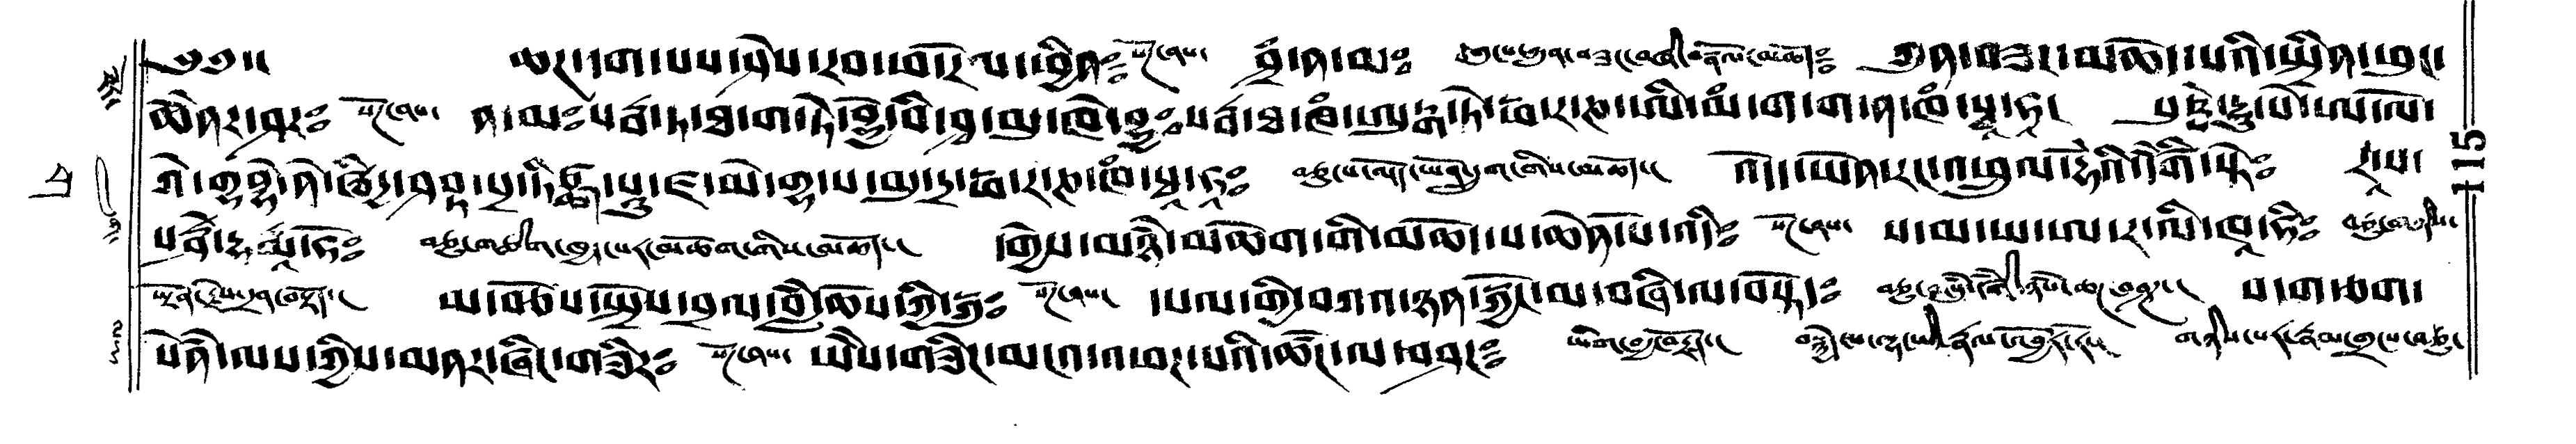ཆགས་དག་པས་ཤེས་རབ་ཕ་རོལ་ཕྱིན༔ སོགས་ནས ། ཤྲཱི་ན་མ༔ དགུ་པ་ཀུན་བཟང་བཞི་བསྣོལ་མཆོད། ཀུན་བཟང་མཆོད་པའི་སྤྲིན་ཕུང་
ན་པོར་ཤར༔ སོགས་ནས། ན་མཿསརྦ་ཏ་ཐ་ག་ཏེ་བྷྱོ་བི་ཤྭ་མུ་ཁེ་བྷྱཿསརྦ་ཏེ་ཁཾ་ཨུངྒ་ཏེ་སྥ་ན་ཨི་མཾ་གག་ན་ཁཾ་སྭ་ཧཱ༔ པུཥྤེ་དྷུ་པེ་ཨ་ལོ་
ཀེ་གྷནྡྷེ་ནཻ་ཝི་དྱ་ཤབྡ་པྲ་ཏིཙྪ་པཱུ་ཛ་མེ་གྷ་ས་མུ་དྲ་སྥ་ར་ཎ་ཁཾ་སྭ་ཧཱ༔ བཅུ་པ་འདོད་ཡོན་དྲུག་གིས་མཆོད། འདོད་ཡོན་རང་འཕྲུལ་རྡོ་རྗེའི་དམ་ཚིག་སྟེ༔ སོགས་ནས། རཱ་ས་
པརྴེ་དྷརྨ་ཧོ༔ བཅུ་གཅིག་ཁྱད་པར་མཆོག་གིས་མཆོད། དགྱེས་མཉམ་མཆོག་གི་མཆོད་པ་ཆེན་པོ་འདི༔ སོགས་ནས། ས་མ་ཡ་ཨ་ར་ལི་ཁཱ་ཧི༔ བཅུ་གཉིས་
ཡོན་ཏན་རྗེས་དྲན་བསྟོད། མ་བཅོས་སྤྲོས་བྲལ་བླ་མ་ཆོས་ཀྱི་སྐུ༔ སོགས་ནས། དཔལ་གྱི་བཀའ་ཉན་སྐྱོང་མ་བཞི་ལ་བསྟོད༔ བཅུ་གསུམ་དམ་ཚིག་ཉམས་ཆགས་བཤགས། བདག་ཅག་
སེམས་ཅན་ལས་ཀྱིས་མནར་ཞིང་གཟིར༔ སོགས་ནས། ཡེ་ཤེས་གཟིགས་མངའ་འཕགས་པའི་ཚོགས་ལ་བཤགས༔ ཡིག་བརྒྱ་བརྗོད། བསྐྱེད་པ་ལྷ་ཡི་རྣལ་འབྱོར་རོ། གཉིས་པར་རྣམ་གྲངས་བཅུ་